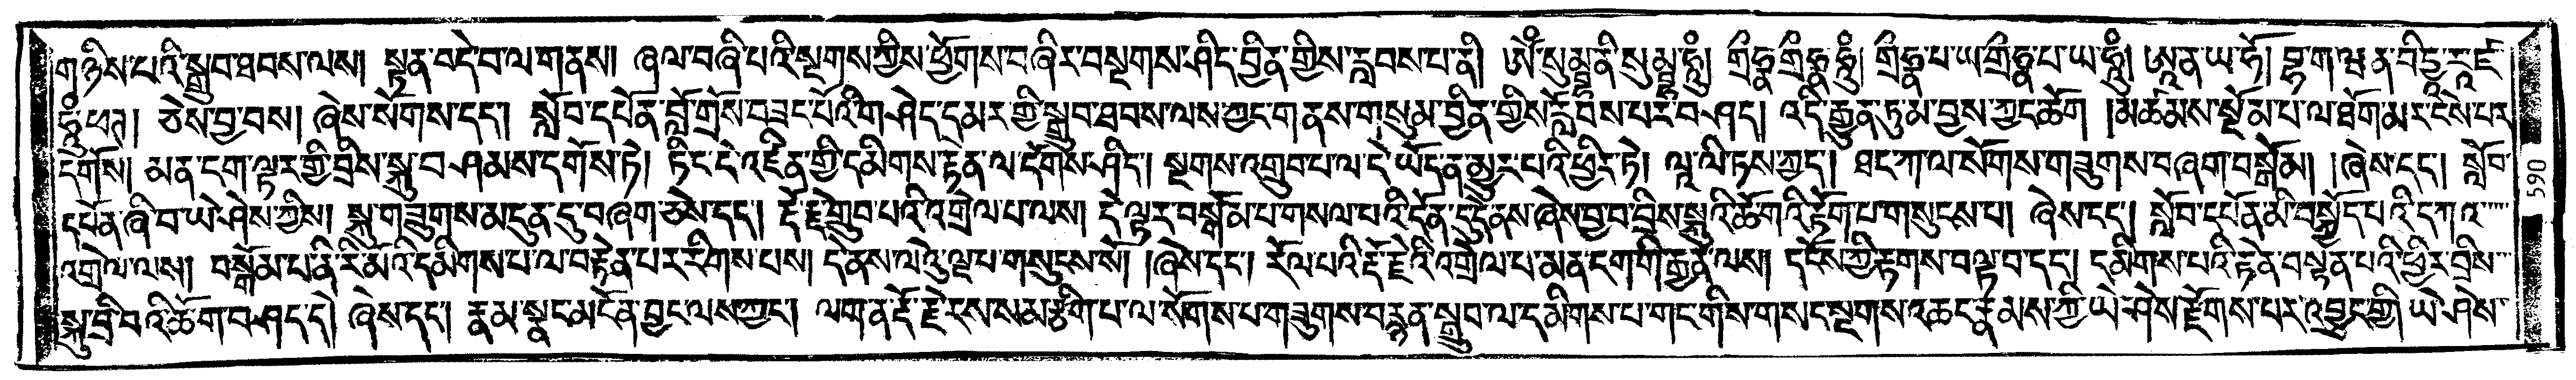གཉིས་པའི་སྒྲུབ་ཐབས་ལས། སྟན་བདེ་བ་ལ་གནས། ཞལ་བཞི་པའི་སྔགས་ཀྱིས་ཕྱོགས་བཞིར་བསྔགས་ཤིང་བྱིན་གྱིས་རླབས་པ་ནི། ཨོཾ་སུམྦྷ་ནི་སུམྦྷ་ཧཱུཾ། གྲྀཧྣ་གྲྀཧྣ་ཧཱུཾ། གྲྀཧྣ་པ་ཡ་གྲྀཧྣ་པ་ཡ་ཧཱུཾ། ཨཱ་ན་ཡ་ཧོ། བྷ་ག་ཝན་བིདྱཱ་རཱ་ཛ་
ཧཱུཾ་ཕཊ། ཅེས་བྱ་བས། ཞེས་སོགས་དང་། སློབ་དཔོན་བློ་གྲོས་བཟང་པོའི་གཤེད་དམར་གྱི་སྒྲུབ་ཐབས་ལས་ཀྱང་གནས་གསུམ་བྱིན་གྱིས་རློབས་པར་བཤད། འདི་རྒྱུན་ཏུ་མ་བྱས་ཀྱང་ཆོག །མཚམས་སྡོམ་པ་ལ་ཐོག་མར་ངེས་པར་
དགོས། མན་ངག་ལྟར་གྱི་བྲིས་སྐུ་བཤམས་དགོས་ཏེ། ཏིང་ངེ་འཛིན་གྱི་དམིགས་རྟེན་ལ་དགོས་ཤིང་། སྔགས་འགྲུབ་པ་ལ་དེ་ཡོད་ན་མྱུར་པའི་ཕྱིར་ཏེ། ལཱ་ལི་ཏས་ཀྱང་། ཐང་ཀ་ལ་སོགས་གཟུགས་བཞག་བསྒོམ། །ཞེས་དང་། སློབ་
དཔོན་ཞི་བ་ཡེ་ཤེས་ཀྱིས། སྐུ་གཟུགས་མདུན་དུ་བཞག་ཅེས་དང་། རྡོ་རྗེ་གྲུབ་པའི་འགྲེལ་པ་ལས། དེ་ལྟར་བསྒོམ་པ་གསལ་པའི་དོན་དུ་དེ་ནས་ཞེས་བྱ་བ་བྲིས་སྐུའི་ཆོ་གའི་རྟོག་པ་གསུངས་པ། ཞེས་དང་། སློབ་དཔོན་མི་བསྐྱོད་པའི་དཀའ་
འགྲེལ་ལས། བསྒོམ་པ་ནི་རི་མོའི་དམིགས་པ་ལ་བརྟེན་པར་རིགས་པས། དེ་ནས་ལེའུ་ལྔ་པ་གསུངས་སོ། །ཞེས་དང་། རོལ་པའི་རྡོ་རྗེའི་འགྲེལ་པ་མན་ངག་གི་རྒྱན་ལས། དངོས་ཀྱི་རྟགས་བལྟ་བ་དང་། དམིགས་པའི་རྟེན་བསྟན་པའི་ཕྱིར་བྲིས་
སྐུ་བྲི་བའི་ཆོ་ག་བཤད་དེ། ཞེས་དང་། རྣམ་སྣང་མངོན་བྱང་ལས་ཀྱང་། ལག་ན་རྡོ་རྗེ་རས་སམ་རྩིག་པ་ལ་སོགས་པ་གཟུགས་བརྙན་སྒྲུབ་ལ་དམིགས་པ་གང་གིས་གསང་སྔགས་འཆང་རྣམས་ཀྱི་ཡེ་ཤེས་རྫོགས་པར་འབྱུང་གྱི། ཡེ་ཤེས་